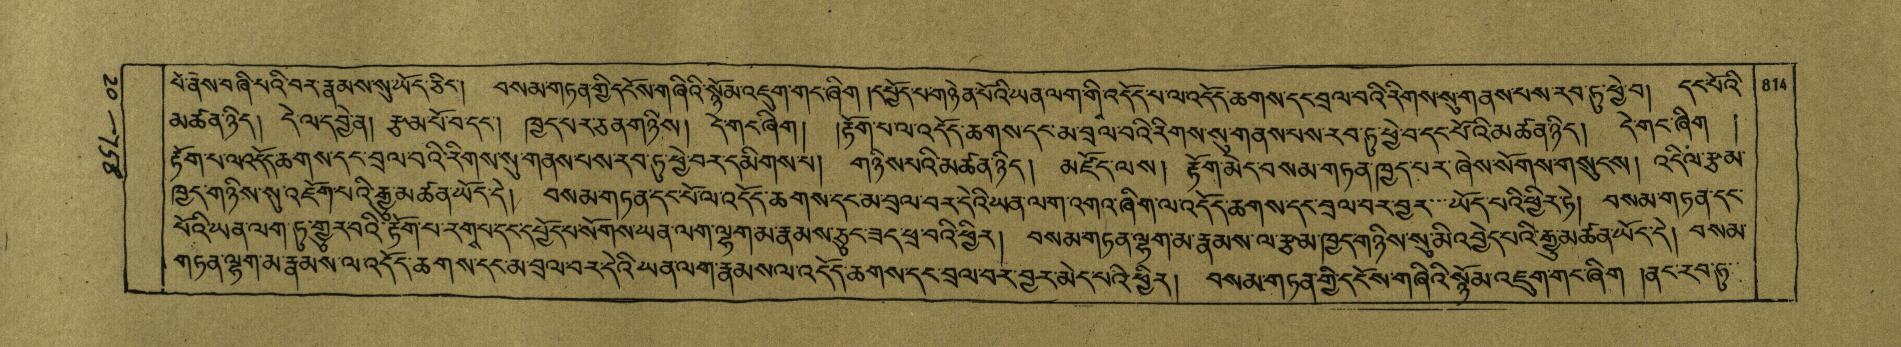པོ་ནས་བཞི་པའི་བར་རྣམས་སུ་ཡོད་ཅིང་། བསམ་གཏན་གྱི་དངོས་གཞིའི་སྙོམ་འཇུག་གང་ཞིག །དཔྱོད་པ་གཉེན་པོའི་ཡན་ལག་གིས་འདོད་པ་ལ་འདོད་ཆགས་དང་བྲལ་བའི་རིགས་སུ་གནས་པས་རབ་ཏུ་ཕྱེ་བ། དང་པོའི་
མཚན་ཉིད། དེ་ལ་དབྱེ་ན། རྩམ་པོ་བ་དང་། ཁྱད་པར་ཅན་གཉིས། དེ་གང་ཞིག། །རྟོག་པ་ལ་འདོད་ཆགས་དང་མ་བྲལ་བའི་རིགས་སུ་གནས་པས་རབ་ཏུ་ཕྱེ་བ་དང་པོའི་མཚན་ཉིད། དེ་གང་ཞིག །
རྟོག་པ་ལ་འདོད་ཆགས་དང་བྲལ་བའི་རིགས་སུ་གནས་པས་རབ་ཏུ་ཕྱེ་བར་དམིགས་པ། གཉིས་པའི་མཚན་ཉིད། མཛོད་ལས། རྟོག་མེད་བསམ་གཏན་ཁྱད་པར་ཞེས་སོགས་གསུངས། འདི་ལ་རྩམ་
ཁྱད་གཉིས་སུ་འཇོག་པའི་རྒྱུ་མཚན་ཡོད་དེ། བསམ་གཏན་དང་པོ་ལ་འདོད་ཆགས་དང་མ་བྲལ་བར་དེའི་ཡན་ལག་འགའ་ཞིག་ལ་འདོད་ཆགས་དང་བྲལ་བར་བྱར་ཡོད་པའི་ཕྱིར་ཏེ། བསམ་གཏན་དང་
པོའི་ཡན་ལག་ཏུ་གྱུར་བའི་རྟོག་པ་རགས་པ་དང་དཔྱོད་པ་སོགས་ཡན་ལག་ལྷག་མ་རྣམས་ཅུང་ཟད་ཕྲ་བའི་ཕྱིར། བསམ་གཏན་ལྷག་མ་རྣམས་ལ་རྩམ་ཁྱད་གཉིས་སུ་མི་འབྱེད་པའི་རྒྱུ་མཚན་ཡོད་དེ། བསམ་
གཏན་ལྷག་མ་རྣམས་ལ་འདོད་ཆགས་དང་མ་བྲལ་བར་དེའི་ཡན་ལག་རྣམས་ལ་འདོད་ཆགས་དང་བྲལ་བར་བྱར་མེད་པའི་ཕྱིར། བསམ་གཏན་གྱི་དངོས་གཞིའི་སྙོམ་འཇུག་གང་ཞིག །ནང་རབ་ཏུ་